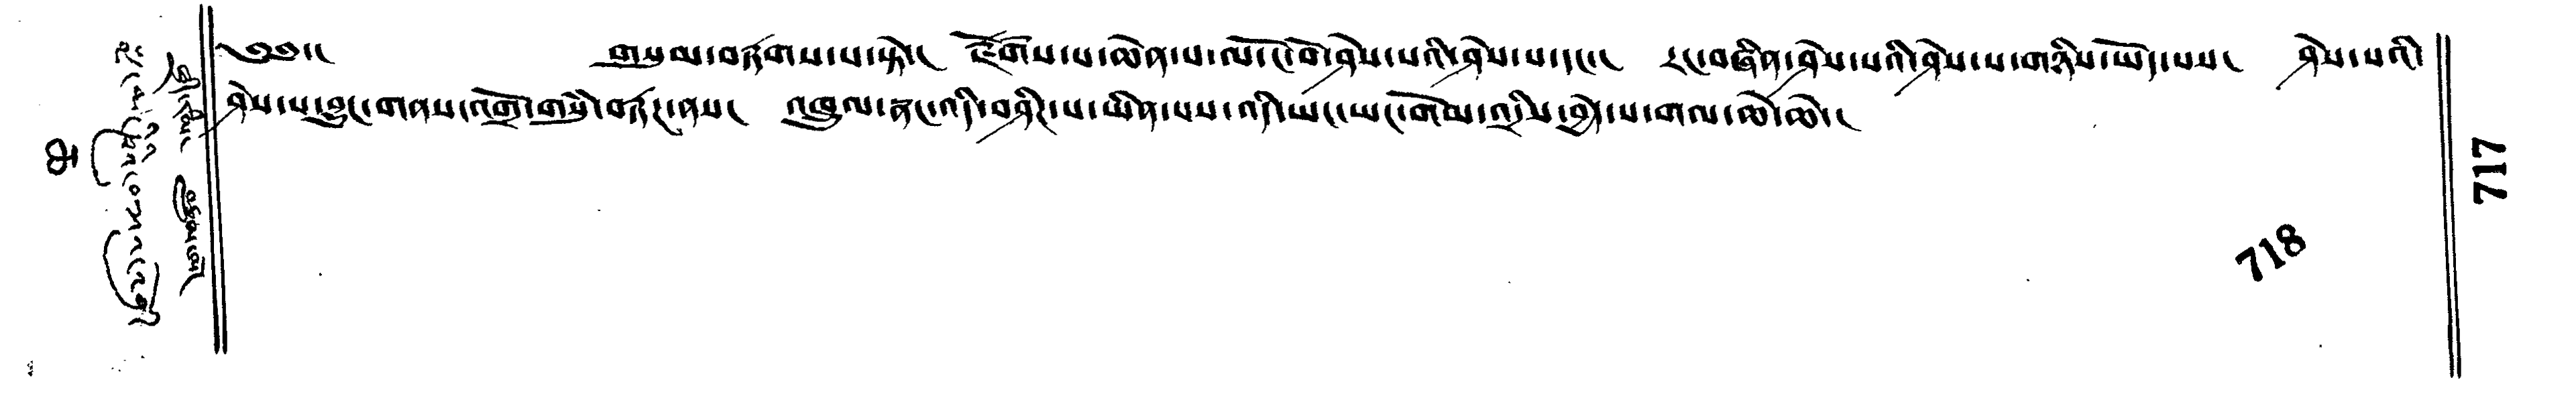གསུམ་བརྟགས་པ་སྟེ། རྫོགས་པ་ཆེན་པོ་ལ་ངོ་བོ་ཤེས་པའི་ཤེས་པ་དང་། རང་བཞིན་ཤེས་པའི་ཤེས་པ་གཉིས་ཡོད་པས། ཤེས་པའི་
ཤེས་པ་བྱུང་གནས་འགྲོ་གསུམ་བརྟགས་ནས། འཁྲུལ་སྣང་འདི་བཤིག་པ་ཡིན་འདི་ཡང་ཡང་གོམ་འདྲིས་བྱེད་པ་གལ་ཆེ་ཆེ།།